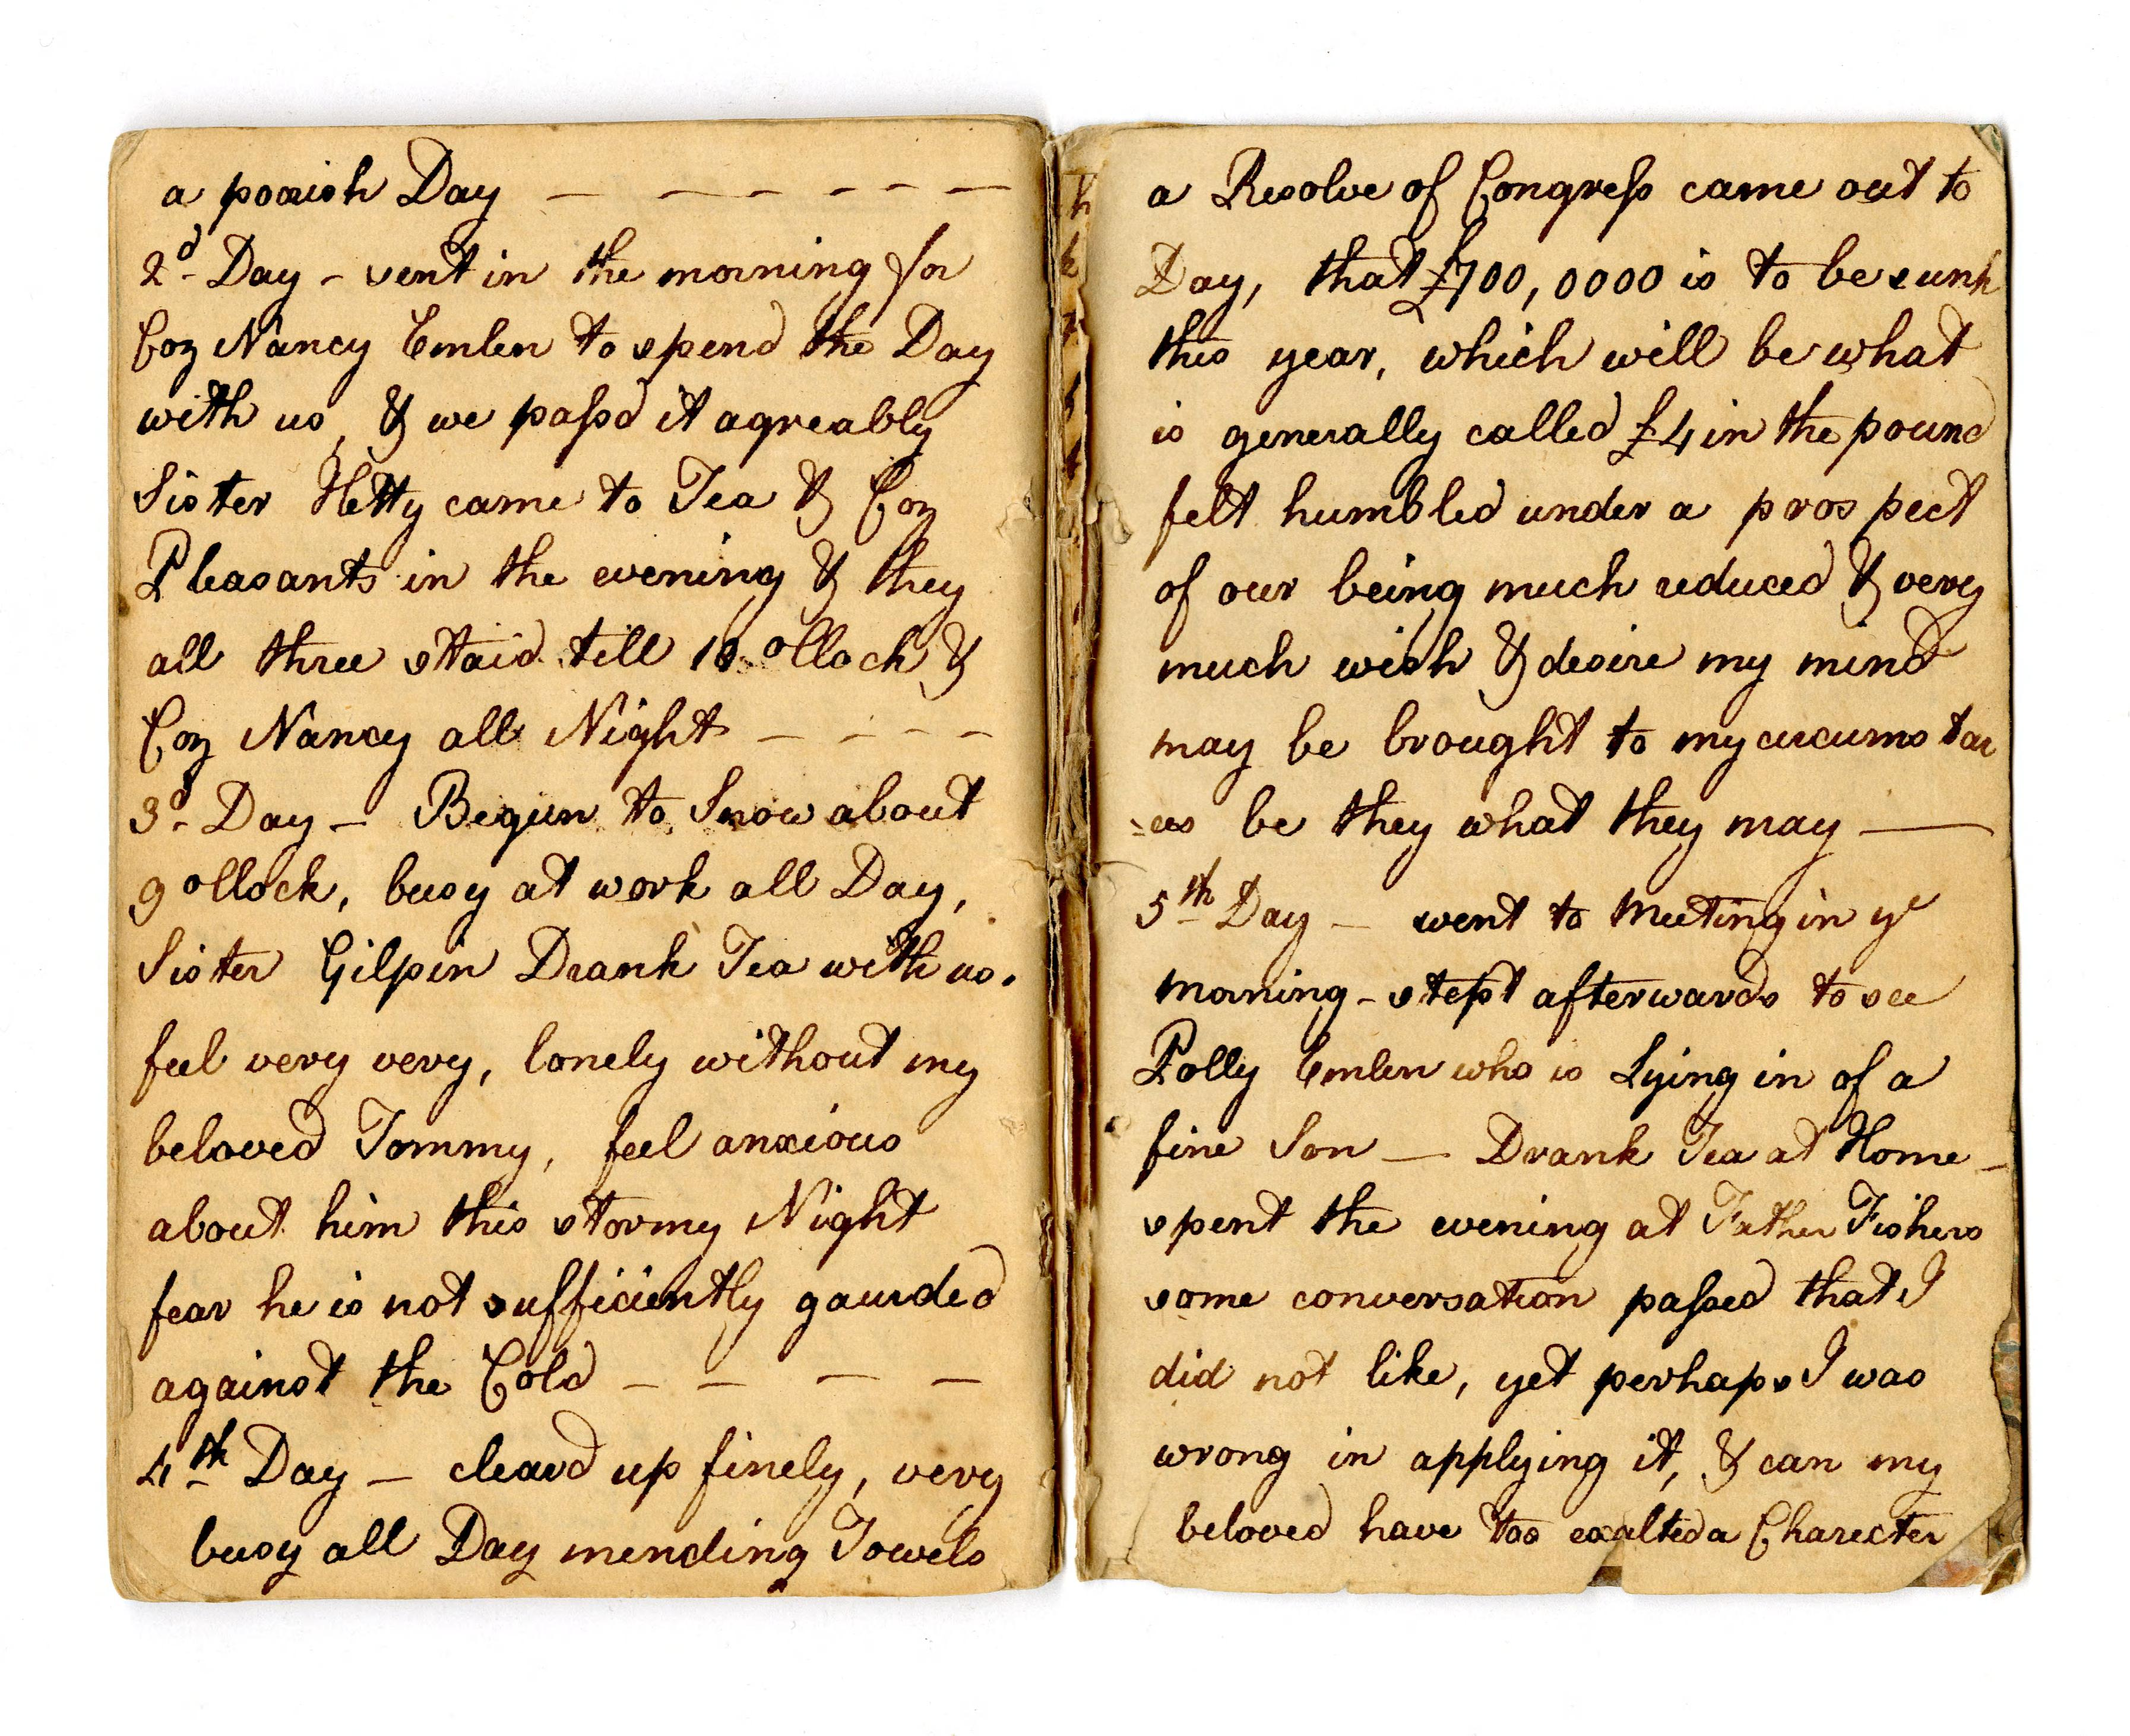a poorish Day--
2^d. Day- sent in the morning for
Coz Nancy Emlen to spend the Day
with us, & we passd it agreably
Sister Hetty came to Tea & Coz
Pleasants in the evening & they
all three staid till 18 ^oClock &
Coz Nancy all Nights-
3^th. Day- Begun to Snow about
9 ^oClock, busy at work all Day,
Sister Gilpin Drank Tea with us-
feel very very, lonely without my
beloved Tommy, feel anxious
about him this stormy Night
fear he is not sufficiently gaurded
against the Cold-
4^th Day- cleard up finely, very
busy all Day mending Towels
a Resolve of Congress came out to
Day, that 700, 0000 sterlings is to be sunk
this year, which will be what
is generally called £4 in the pound
felt humbled under a prospect
of our being much reduced & very
much wish & desire my mind
may be brought to my circumstan
-ce be they what they may-
5^th. Day- went to Meeting in y^e
morning- stept afterwards to see
Polly Emlen who is Lying in of a
fine Son- Drank Tea at Home -
spent the evening at Father Fishers
some conversation passed that I
did not like, yet perhaps I was
wrong in applying it, & can my
beloved have too exalted a Charecter